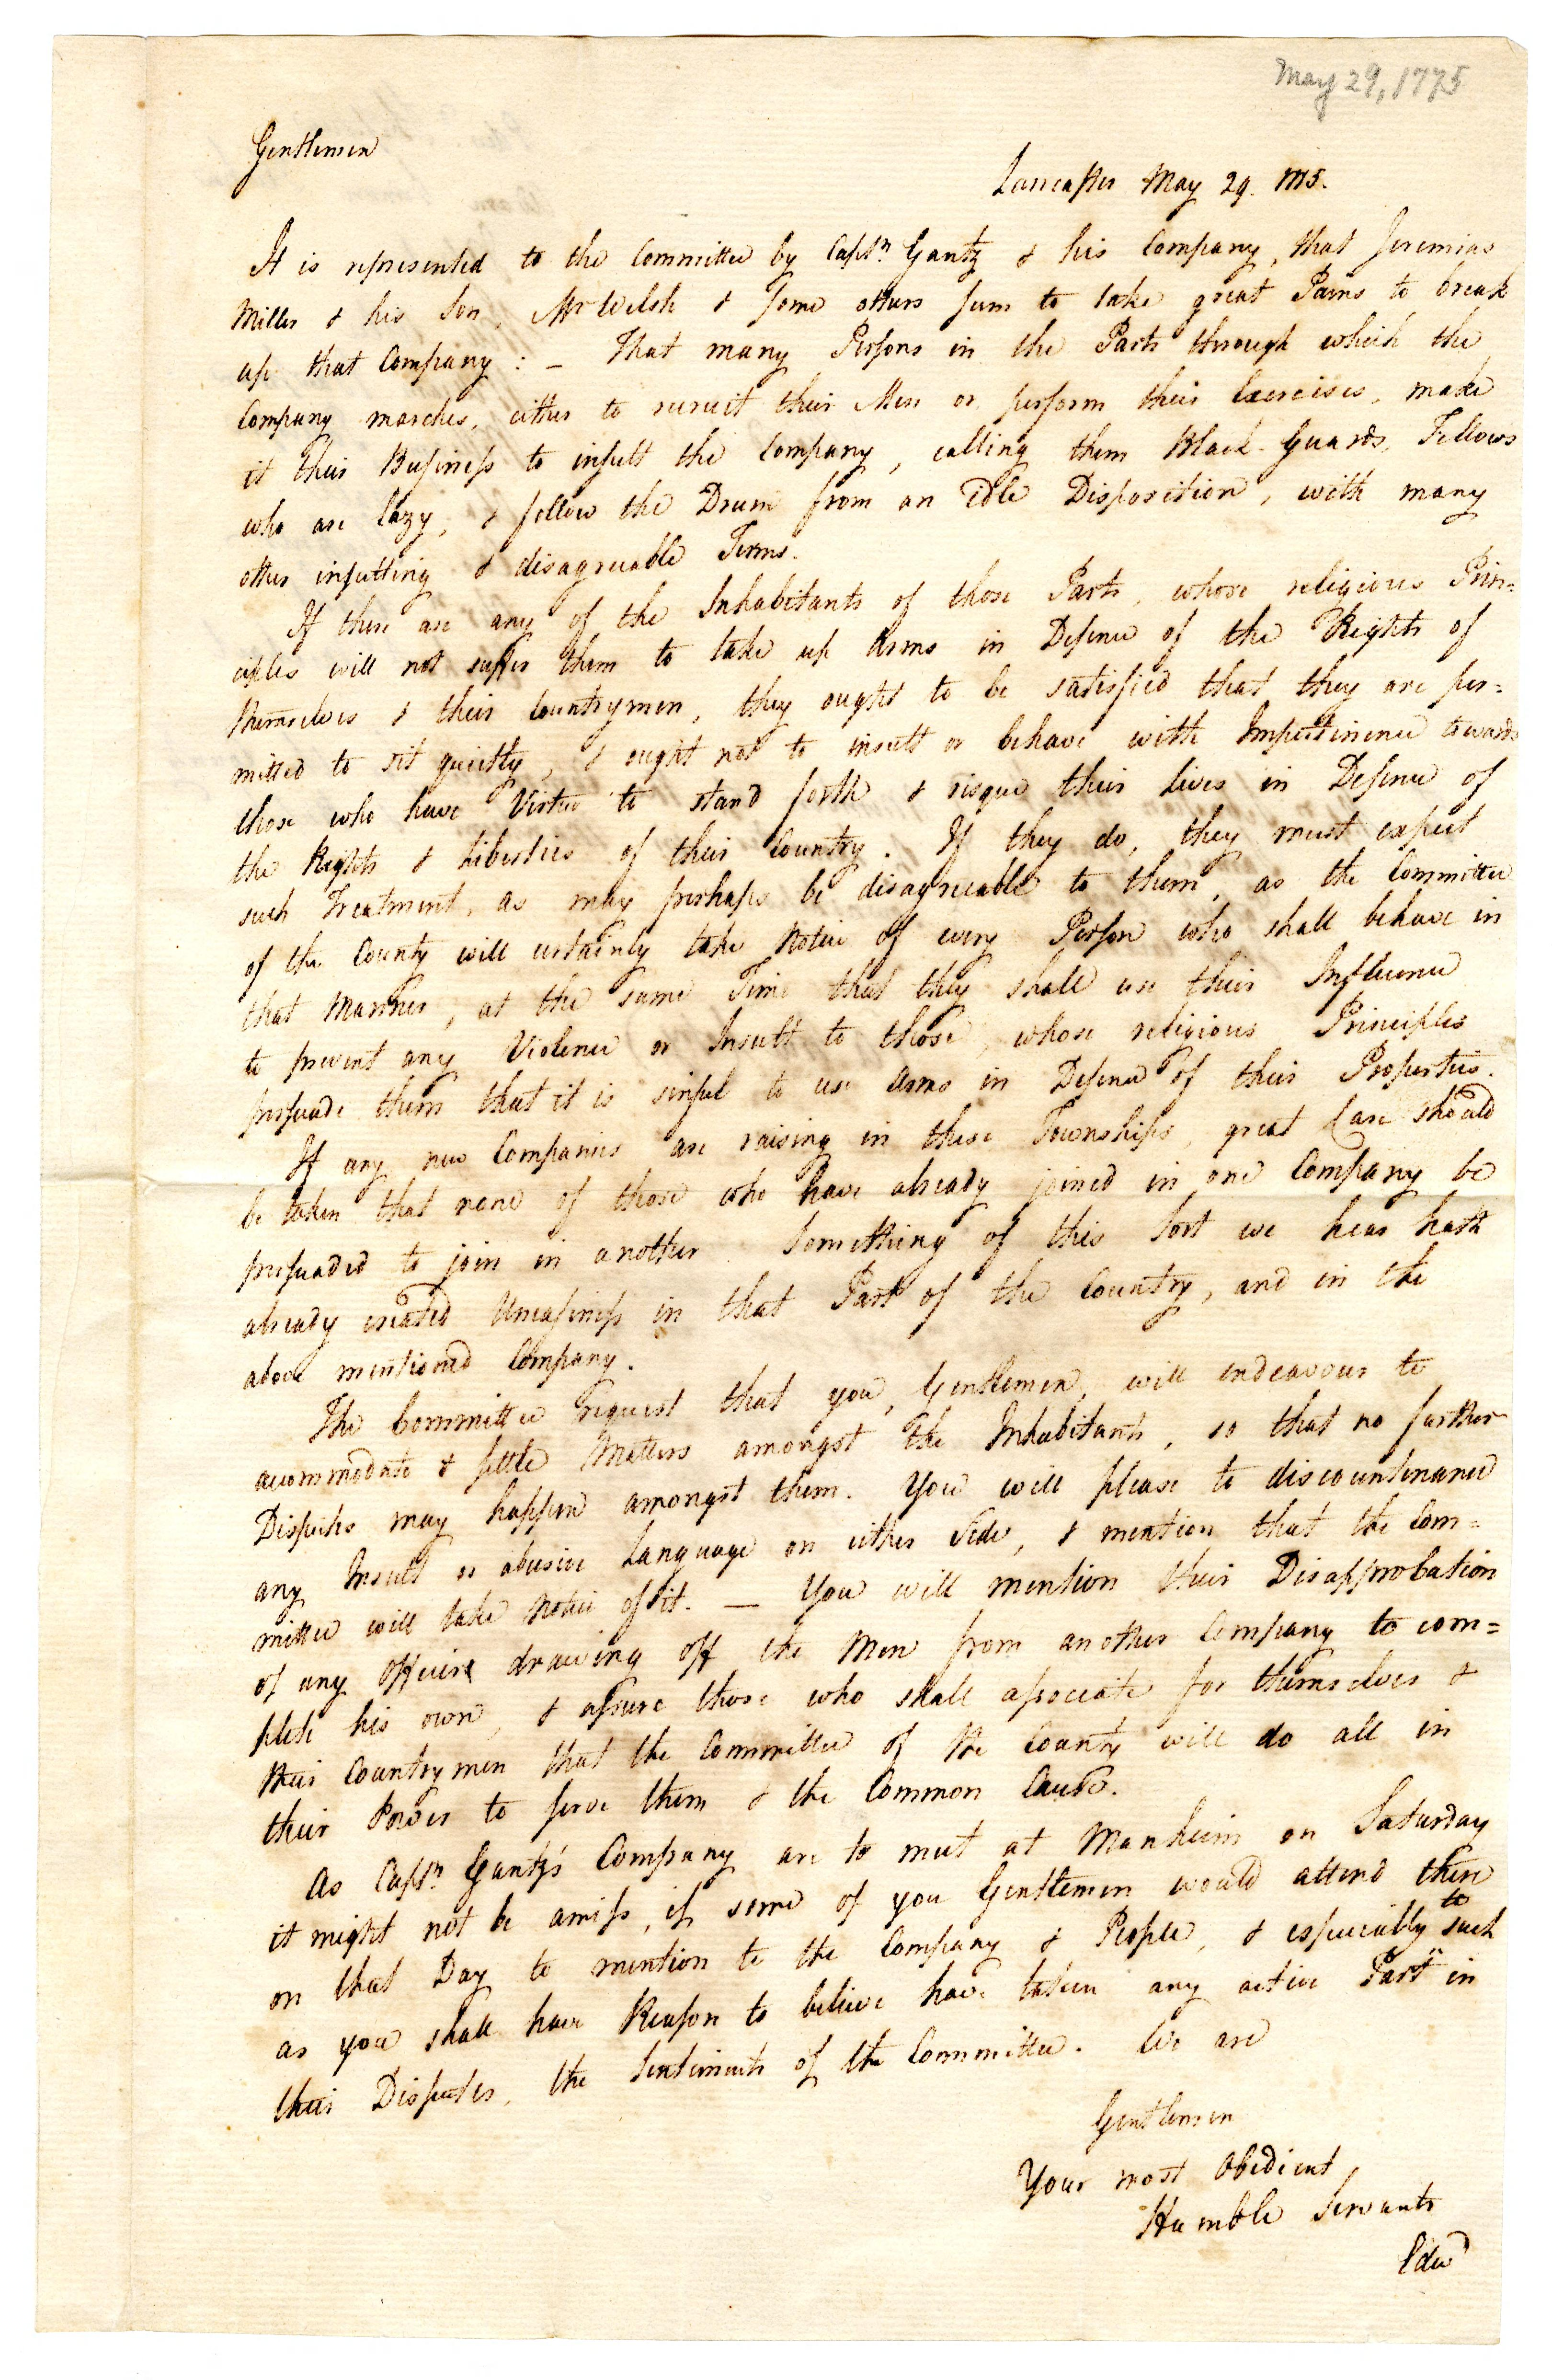Lancaster May 29. 1775.
Gentlemen
It is presented to the Commitee by Capt^n. Gantz & his Company, that Jeremias
Miller & his Son M^r Welsh & some others seem to take great Pains to break
up that Company:- That many Persons in the Parts through which the
Company marches, either to suruit their Men or perform their Exercises make
it their Bufiness to insult the Company, calling them Black Guards, Fellows
who are lazy follow the Drum from an idle Disposition, with many
others insulting & disagreeable Terms.
If there are any of the Inhabitants of those Parts, whose religious Prin-
-ciples will not suffer them to take up Arms in Defence of the Rights of
themselves & their Countrymen, they ought to be satisfied that they are per-
-mitted to sit quietly. I ought not to insult or behave with Impertinence towards
those who have Virtue to stand forth & risque their Lives in Defence of
the Rights & Liberties of their Country. If they do, they must expect
such Treatment, as may perhaps be disagreeable to them, as the Committee
of the County will certainly take notice of every Person who shall behave in
that Manner, at the same Time that they shall use their Influence
to prevent any Violence or Insult to those, whose religious Principles
persuade them that it is sinful to use Arms in Defence of their Properties.
If any new Companies are raising in these Townships, great Care should
be taken that none of those who have already joined in one Company be
persuaded to join in another. Something of this sort we hear hath
already created Uneasiness in that Part of the Country, and in the
above mentioned Company.
The Committee request that you Gentlemen, will endeavour to
accommodate & settle Matters amongst the Inhabitants, so that no further
Disputes may happen amongst them. You will please to discountenance
any Insult or abusive Language on either side, & mention that the Com-
mittee will take Notice of it. You will mention their Disapprobation
of any officers drawing off the Men from another Company to com-
-plete his own, & assure those who shall associate for themselves &
their Country men that the Committee of the County will do all in
their Power to serve them & the Common Cause.
As Capt^r. Gantz's Company are to meet at Manheim on Saturday
it might not be amiss, if some of you Gentlemen would attend there
to
on that Day to mention to the Company & People, & especially ^ such
as you shall hear Reason to believe have taken any active Part in
their Disputes, the Sentiments of the Committee. We are
Gentlemen
Your most Obedient,
Humble Servants
Edw^d